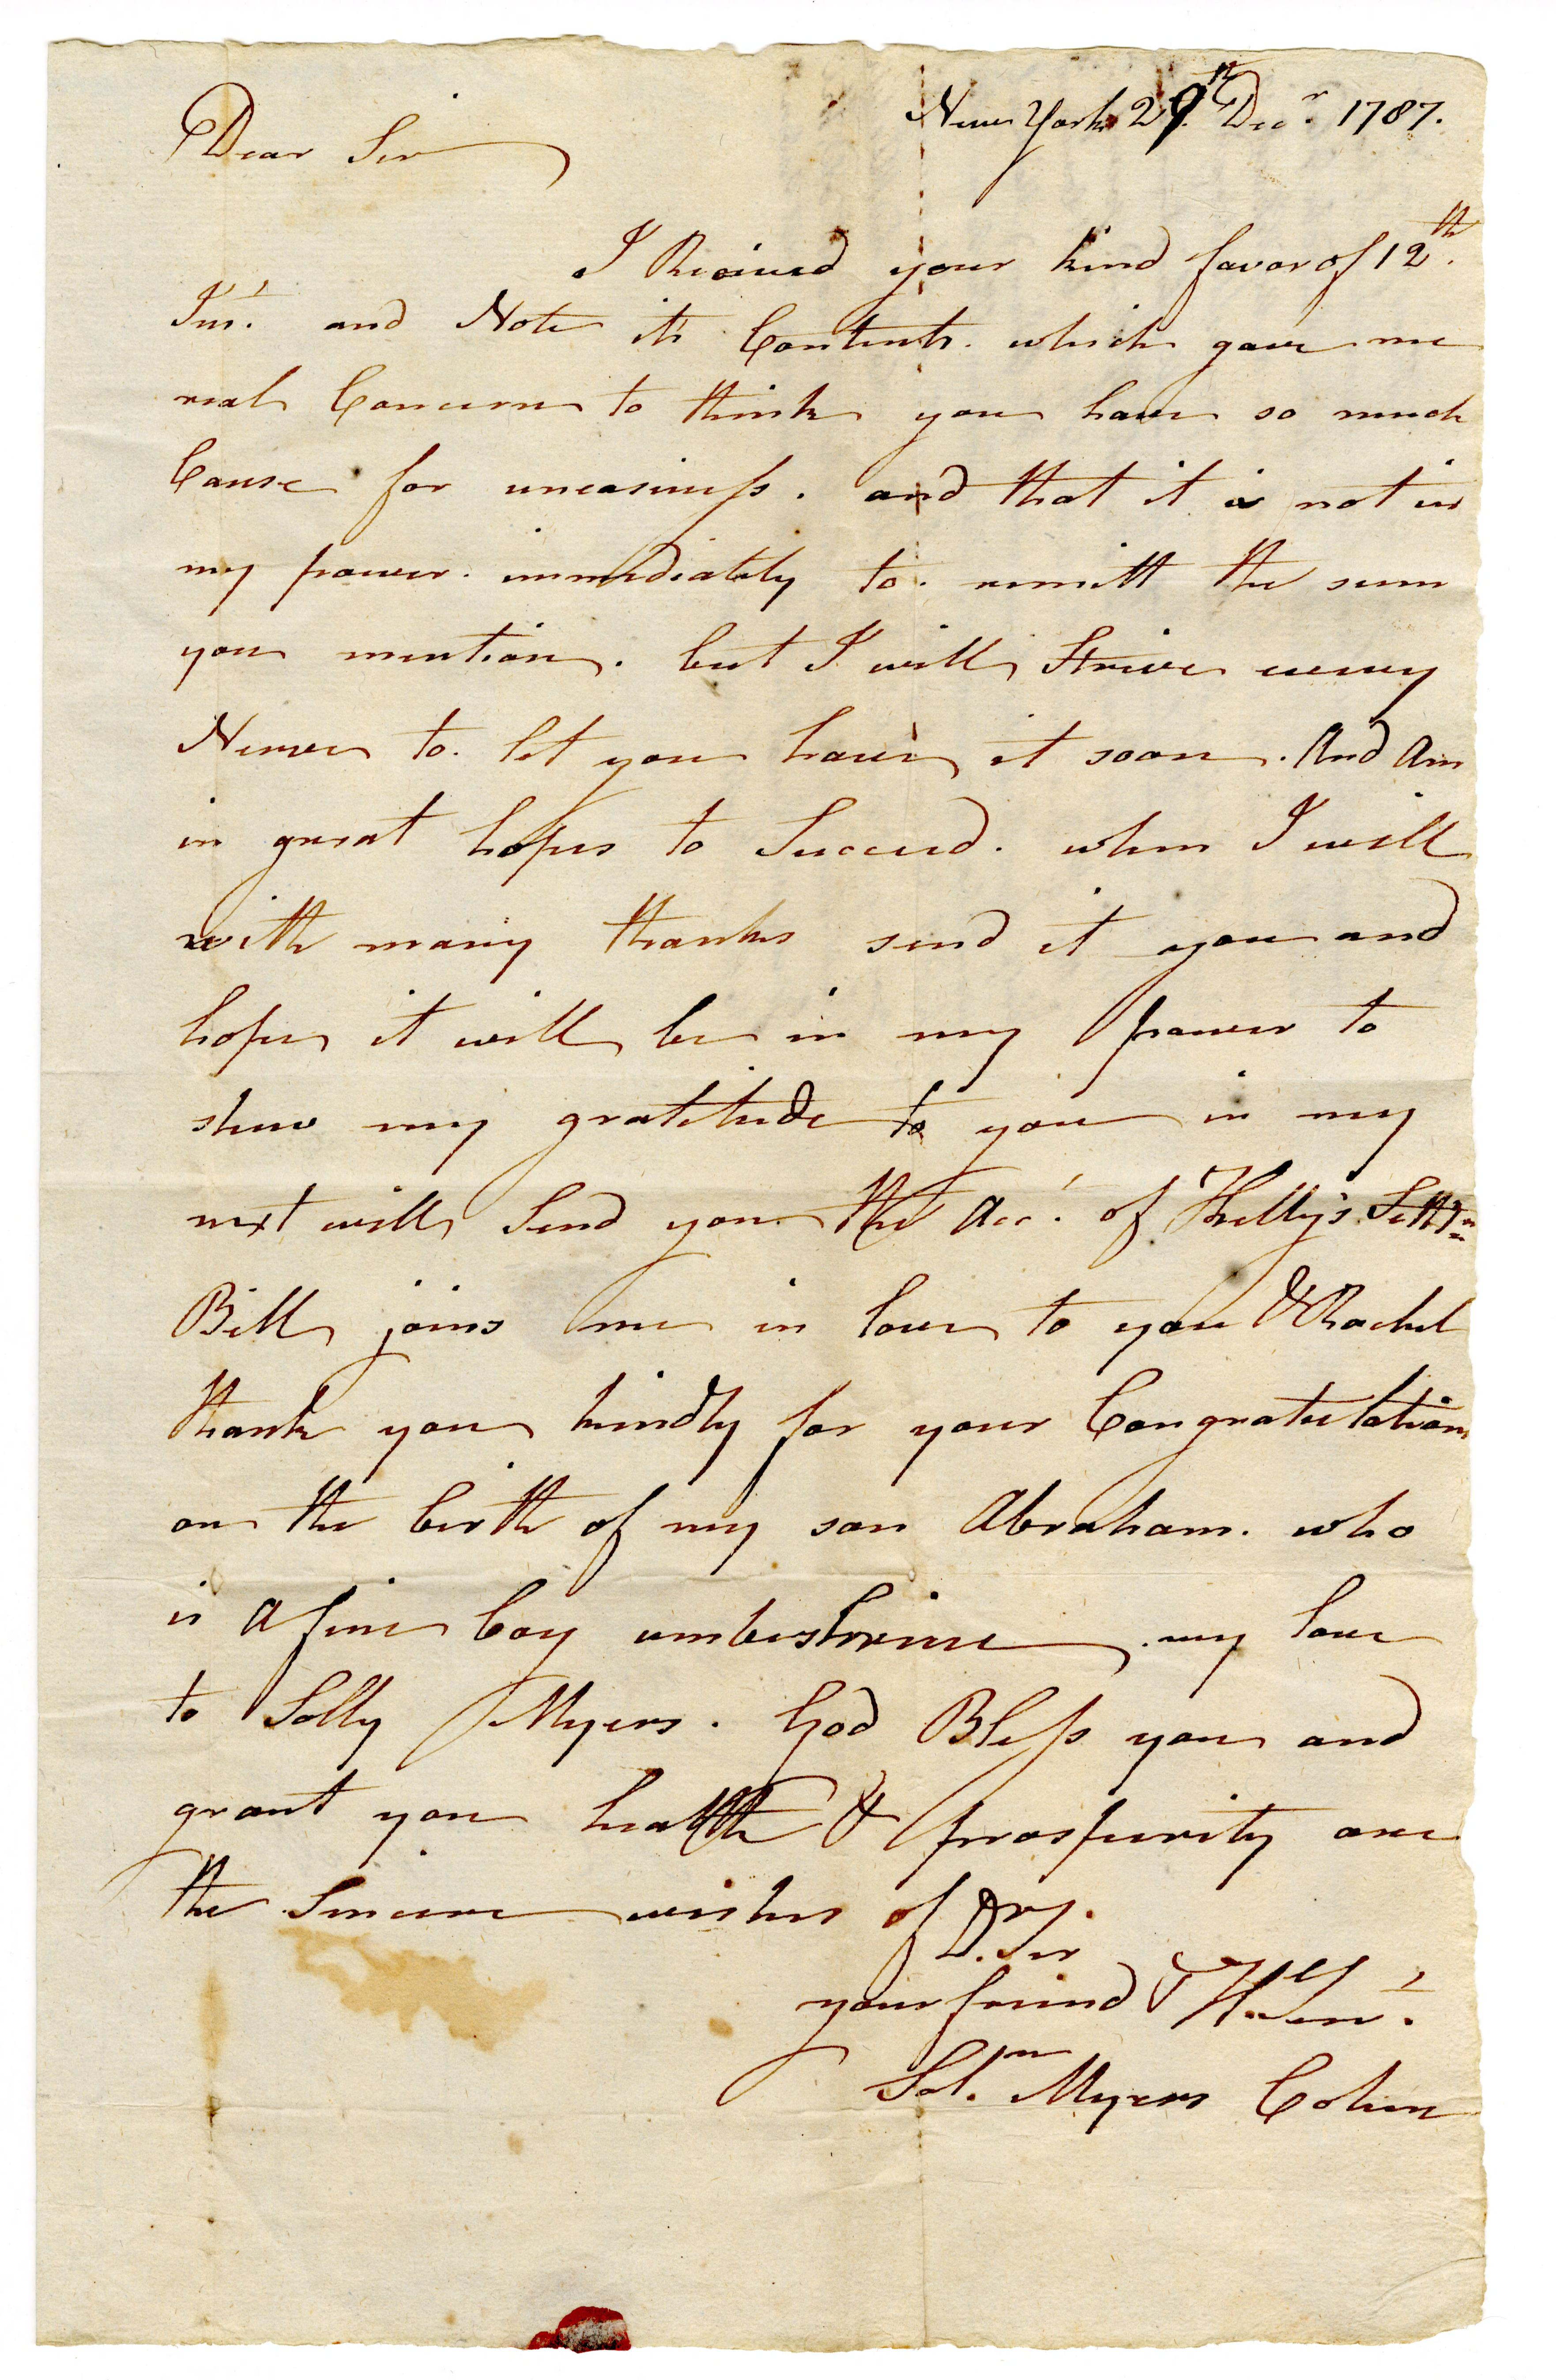New York 29^th. Dec^r. 1787
Dear Sir
I Recieved your kind favor of 12^th.
Ins^t. and Note its contents which gave me
real concern to think you have so much
Cause for uneasiness. and that it is not in
my power immediately to remitt the sum
you mention. but I will Strive every
Nimes to. let you have it soon. And Am
in great hopes to Succeed. when I well
with many thanks send it you and
hope it will be in my power to
show my gratitude to you in my
next will, Send you the Acc^t. of Kelly's Settl^t
Bell joins me in favor to you & Rachel
thank you kindly for your Congratulation
on the birth of my son Abraham who
is a fine boy umbestrime my love
to Sally Myers. God Bless you and
grant you health & prosperity are
the sincere wishes of D^r. Sir
your friend & H.^l serv^t
Sol^m Myers Cohen